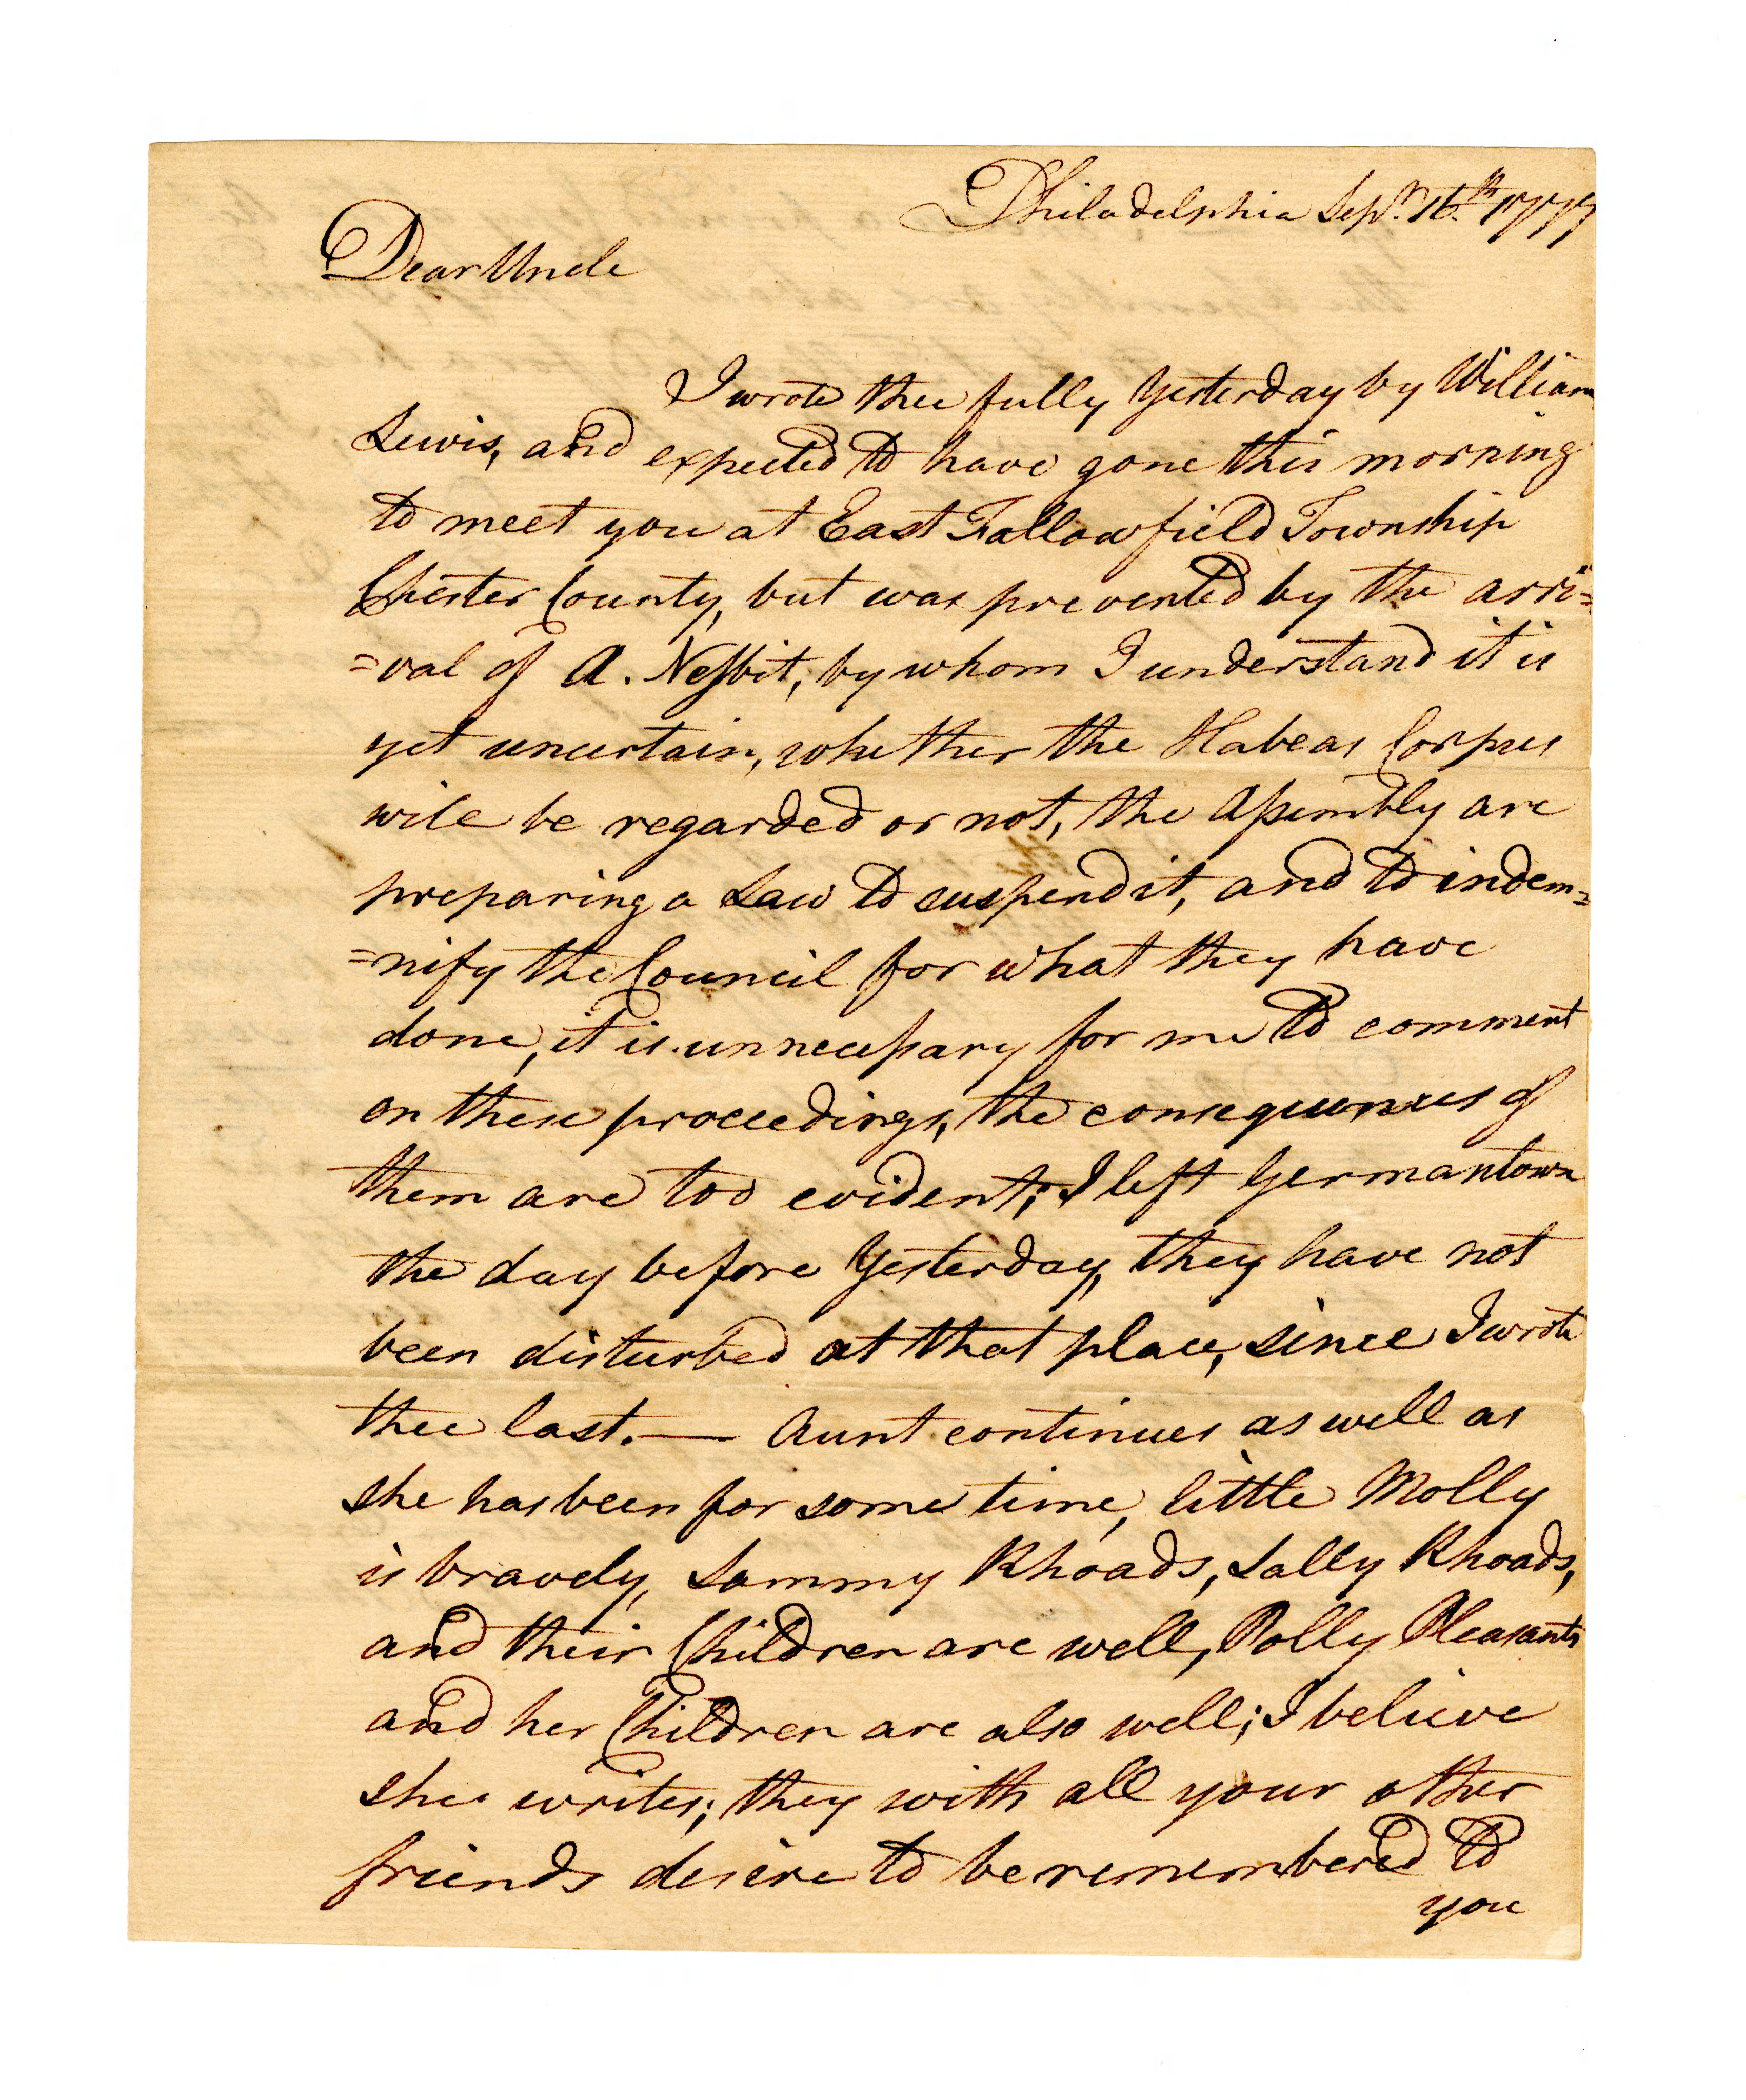Philadelphia Sep^r. 16^th. 1777
Dear Uncle
I wrote thee fully Yesterday by William
Lewis, and expected to have gone this morning
to meet you at East Fallowfield Township
Chester County, but was prevented by the arri-
-val of A. Nesbit, by whom I understand it is
yet uncertain, whether the Habeas Corpus
will be regarded or not, the Assembly are
preparing a Law to suspend it, and to indem-
-nify the Council for what they have
done, it is unnecessary for me to comment
on these proceedings, the consequences of
them are too evident; I left Germantown
the day before Yesterday, they have not
been disturbed at that place, since I wrote
thee last.- Aunt continues as well as
she has been for some time, little Molly
is bravely, Sammy Rhoads, Sally Rhoads,
and their Children are well, Polly Pleasants
and her Children are also well; I believe
she writes; they with all your other
friends desire to be remembered to
you